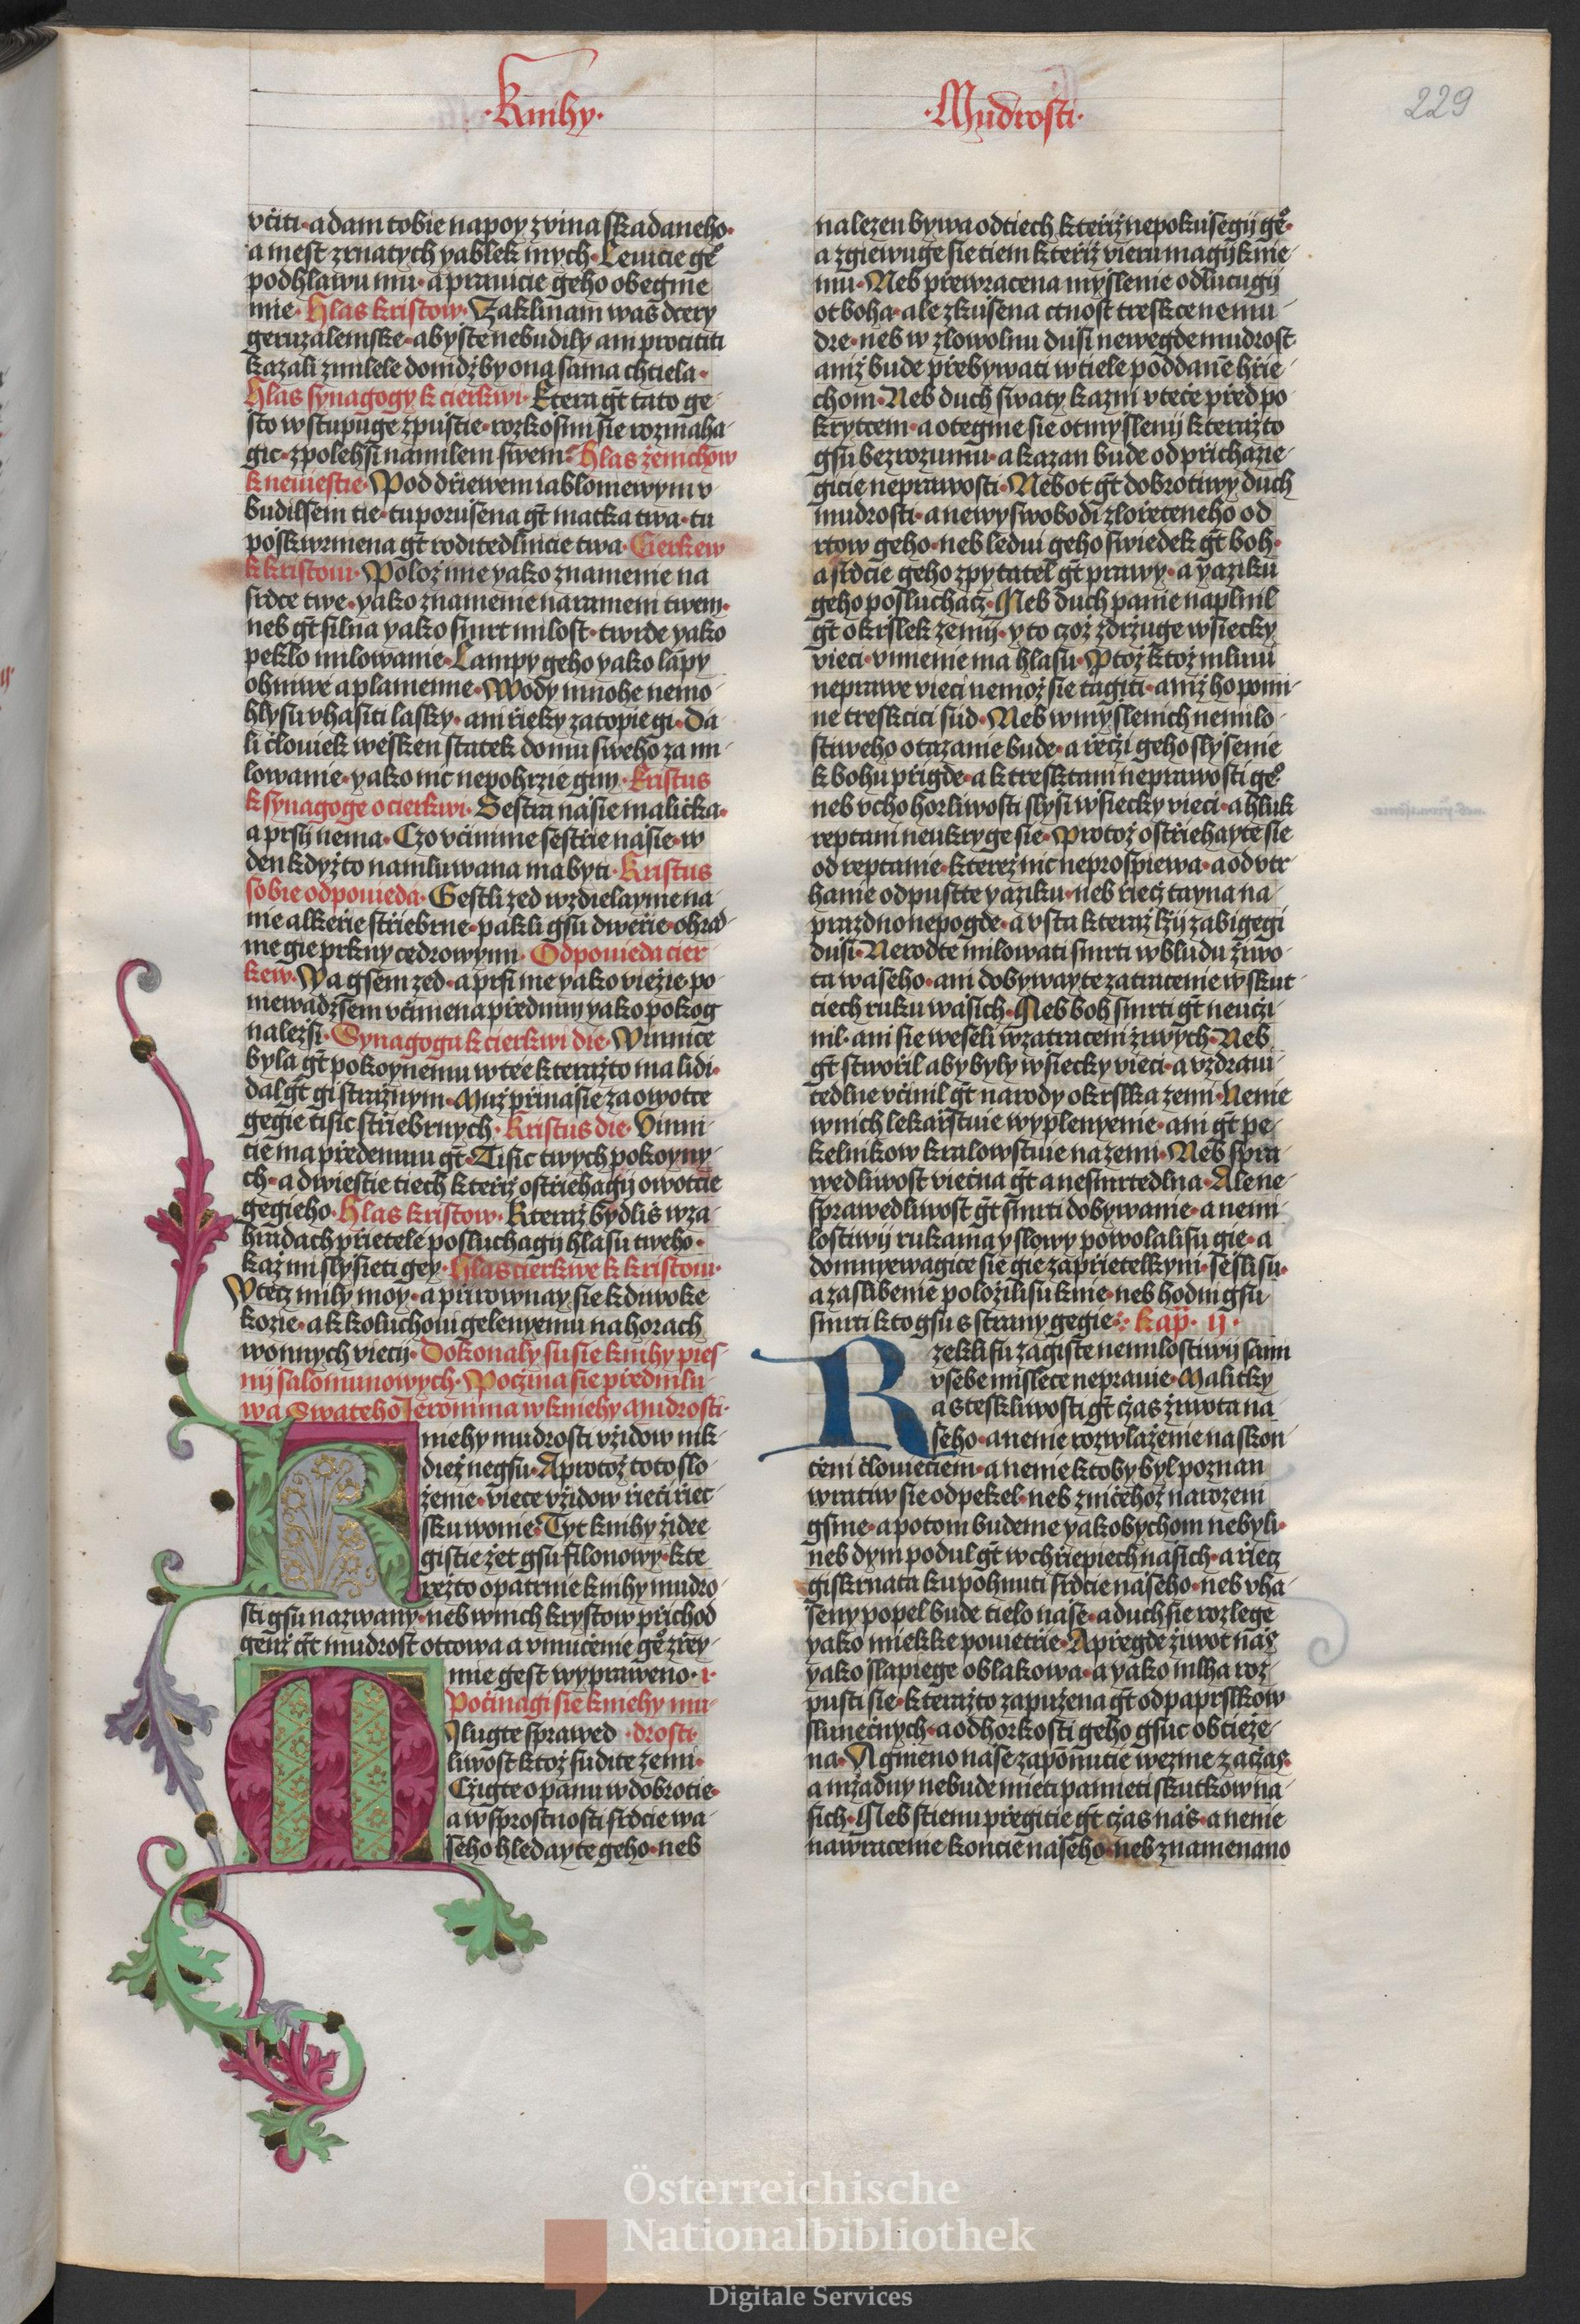.Kníhy.
uċiti.a dam tobie napoy zvína ſkadaneho.
a meſt zrnatych yablek mych.Leuicie geo
podhlawu mu.a prauicie geho obegme
mie.Hlas kriſtow.Zaklinam was dcery
geruzalemſke.abyẛte nebudily ani procititi
kazali zmilele donidżby ona ſama chtiela.
Hlas ſynagogy k cíerkwi.Ktera ḡt tato ge¬
ẛto wſtupuge zpuẛtie.rozkoẛni ſie rozmaha¬
gic. zpolehẛi na milem ſwem? Hlas żenichow
kneuíeſtie.Pod dṙiewem iabloniewym v¬
budilſem tie.tu poruẛena ḡt matka twa.tu
poẛkwrniena ḡt roditedlnicie twa.Cíerkew
k kriſtoui.Poloż mie yako znamenie na
ſrdce twe.yako znemeníe narameni twem.
neb ḡt ſilna yako ſmrt miloſt.twrde yako
peklo milowaníe.Lampy geho yako lāpy
ohníwé a plamenne.Wody mnohe nemo¬
hlyſu vhaſiti laſky.ani ṙieky zatopiegí.Da¬
li ċlouiek weẛken ſtatek domu ſweho za mi¬
lowanie.yako níc nepohrzíe gím.Kriſtus
kſynagoge o cierkwí.Seſtra naẛie maliċka.
a prſij nema.Czo vċiníme ſeſtṙie naẛíe.w
den kdyżto namluwana mabyti.Kriſtus
ſobie odpouíedá.Geſtli zed wzdielayme na¬
níe alkeṙie ſtṙíebrne.pakli gſú dweṙie.ohrad¬
me gie prkny cedrowymi.Odpouíeda cíer¬
kew.Ya gſem zed.a prſí me yako vieżie.po¬
niewadżſem vċiniena pṙedním yako pokog
nalezẛi.Synagoga kcíerkwi díe.Vinnice
byla ḡt pokoynemu w tee kterażto ma lidi.
dal ḡt gí ſtrażnym.Muż pṙinaẛie za owotce
gegíe tiſíc ſtṙíebrnych.Kriſtus díe. Vinni¬
cie ma pṙedemnu ḡt.Tiſic twych pokoyny¬
ch.a dwieſtie tiech kteṙíż oſtṙiehagij owotcie
gegíeho.Hlas kriſtow.Kteraż bydliṡ wza¬
hradach pṙíetelé poſluchagij hlaſu tweho.
każ mi ſlyẛieti gey.Hlas cíerkwe k kriſtoui.
Vtecz míly moy.a pṙirownay ſíe kdiwoke
kozie.akkoluchoui gelenyemu na horach
wonnych viecij.Dokonaly ſu ſíe kníhy pieſ¬
níj ẛalomunowych.Pocżina ſie pṙedmlu¬
Ieronima w kniehy.Mudroſti.
wa Swateho
níehy mudroſti vżidow nik¬
dieżnegſu.Aprotoż toto ſlo¬
żeníe.víece vżidow ṙieċí ṙiec¬
ſku woníe.Tyt kníhy żidee
giſtíe żet gſú filonowy.kte¬
reżto opatrníe kníhy mudro¬
ſtí gſu nazwany.neb w ních pṙíchod
genż ḡt mudroſt otcowa a vmuċeníe geo zṙey¬
mie geſt wypraweno.i.
Poċinagí ſie kniehy mu¬
Iſlugte ſprawed. droſti.
líwoſt ktoż ſu dite zemi.
Cżigte o panu w dobrotie.
a w ſproſtnoſti ſrdcie wa¬
ẛeho hledayte geho.neb
.Mudroſtí.
nalezen bywa odtiech kteṙíż nepokuẛegij geo
a zgiewuge ſie tíem kteṙíż víeru magij kníe¬
mu. Neb pṙewracena myẛleníe odllucugíj
ot boha.ale zkuẛena ctnoſt treſkce nemu¬
dre.neb w zlowolnu duẛi newegde mudroſt.
aniż bude pṙebywati w tiele poddanē hṙíe¬
chom.Neb duch ſwaty kazní vteċe pṙed po¬
krytcem.a otegme ſie otmyẛlenij kterażto
gſu bezrozumu.a kazan bude odpṙíchazie¬
gícíe neprawoſti.Nebot ḡt dobrotiwy duch
mudroſtí.a newyſwobodí zloṙeceneho od
rtow geho.neb leduí geho ſwíedek ḡt boh.
a ſrdcíe geho zpytatel ḡt prawy.a yaziku
geho poſluchacż.Neb duch panie naplnil
ḡt okrẛlek zemíj.y to czoż zdrżuge wẛiecky
viecí.vmieníe ma hlaſu. Ꝓtoż ktoż mluuí
neprawe vieci nemoż ſie tagiti.aníż ho pomi¬
ne treſkcící ſúd.Neb wmyẛleních nemilo¬
ſtiweho otazaníe bude.a ṙecżí geho ſlyẛeníe
kbohu pṙígde.a ktreſktaní neprawoſtí geo
neb vcho horliwoſti ſlyẛí wẛiecky víecí.a hluk
reptaní neukryge ſíe.Protoż oſtṙíehayte ſíe
od reptaníe.ktereż níc neproſpíewa.a odvtr¬
haníe odpuſtte yaziku.neb ṙiecż tayna na¬
prazdno nepgde.a vſta kteraż lżij zabígegí.
duẛi.Nerodte milowati ſmrti wbludu żiwo¬
ta waẛeho.aní dobywayte zatraceníe wſkut¬
cíech ruku waẛich.Neb boh ſmrti ḡt neucżi¬
nil.ani ſie weſelí wzatracení żiwych.Neb
ḡt ſtwoṙil aby byly wẛiecky víecí.a vzdraui¬
tedlne vċiníl ḡt narody okrſlka zemí.Neníe
wních lekaṙſtuíe wyplenyeníe.ani ḡt pe¬
kelníkow kralowſtuie na zemi.Neb ſpra¬
wedliwoſt víeċna ḡt a neſmrtedlna.Ale ne¬
ſprawedlíwoſt ḡt ſmrti dobywaníe.a nemi¬
loſtíwij rukama y ſlowy powolali ſu gíe.a
domnyewagíce ſie gíe zapṙíetelkyní.ſeẛliſu.
azaſlíbeníe polożili ſu kníe.neb hodní gſu
ſmrti kto gſu s ſtrany gegíe: Kap̈. II.
zekli ſu zagiſte nemiloſtiwij ſami
vſebe miſlece neprauie.Malitky
a steſkliwoſti ḡt cżas żiwota na¬
ẛeho.a neníe rozwlażeníe naſkon¬
ċení ċlouíeċiem.a neníe ktoby byl poznan
wratíw ſíe odpekel.neb zníċehoż narozeni
gſme.a potom budeme yakobychom nebyli.
neb dym podul ḡt wchṙiepíech naẛich.a ṙíecz
gíſkrnata ku pohnutí ſrdcíe naẛeho.neb vha¬
ẛeny popel bude tielo naẛe.a duch ſíe rozlege
yako míekke pouíetṙíe.Apṙegde żiwot naṡ
yako ẛlapiege oblakowa.a yako mlha roz¬
puſtí ſie.kterażto zapużena ḡt odpaprſkow
ſluneċnych.a odhorkoſti geho gſuc obtíeże¬
na.Agmeno naẛe zapōnutíe wezme zacżas.
a niżadny nebude míeti pamíeti ſkutkow na¬
ẛích.Neb ſtíenu pṙegitíe ḡt cżas naṡ. a neníe
nawraceníe koncie naẛeho.neb znamenano